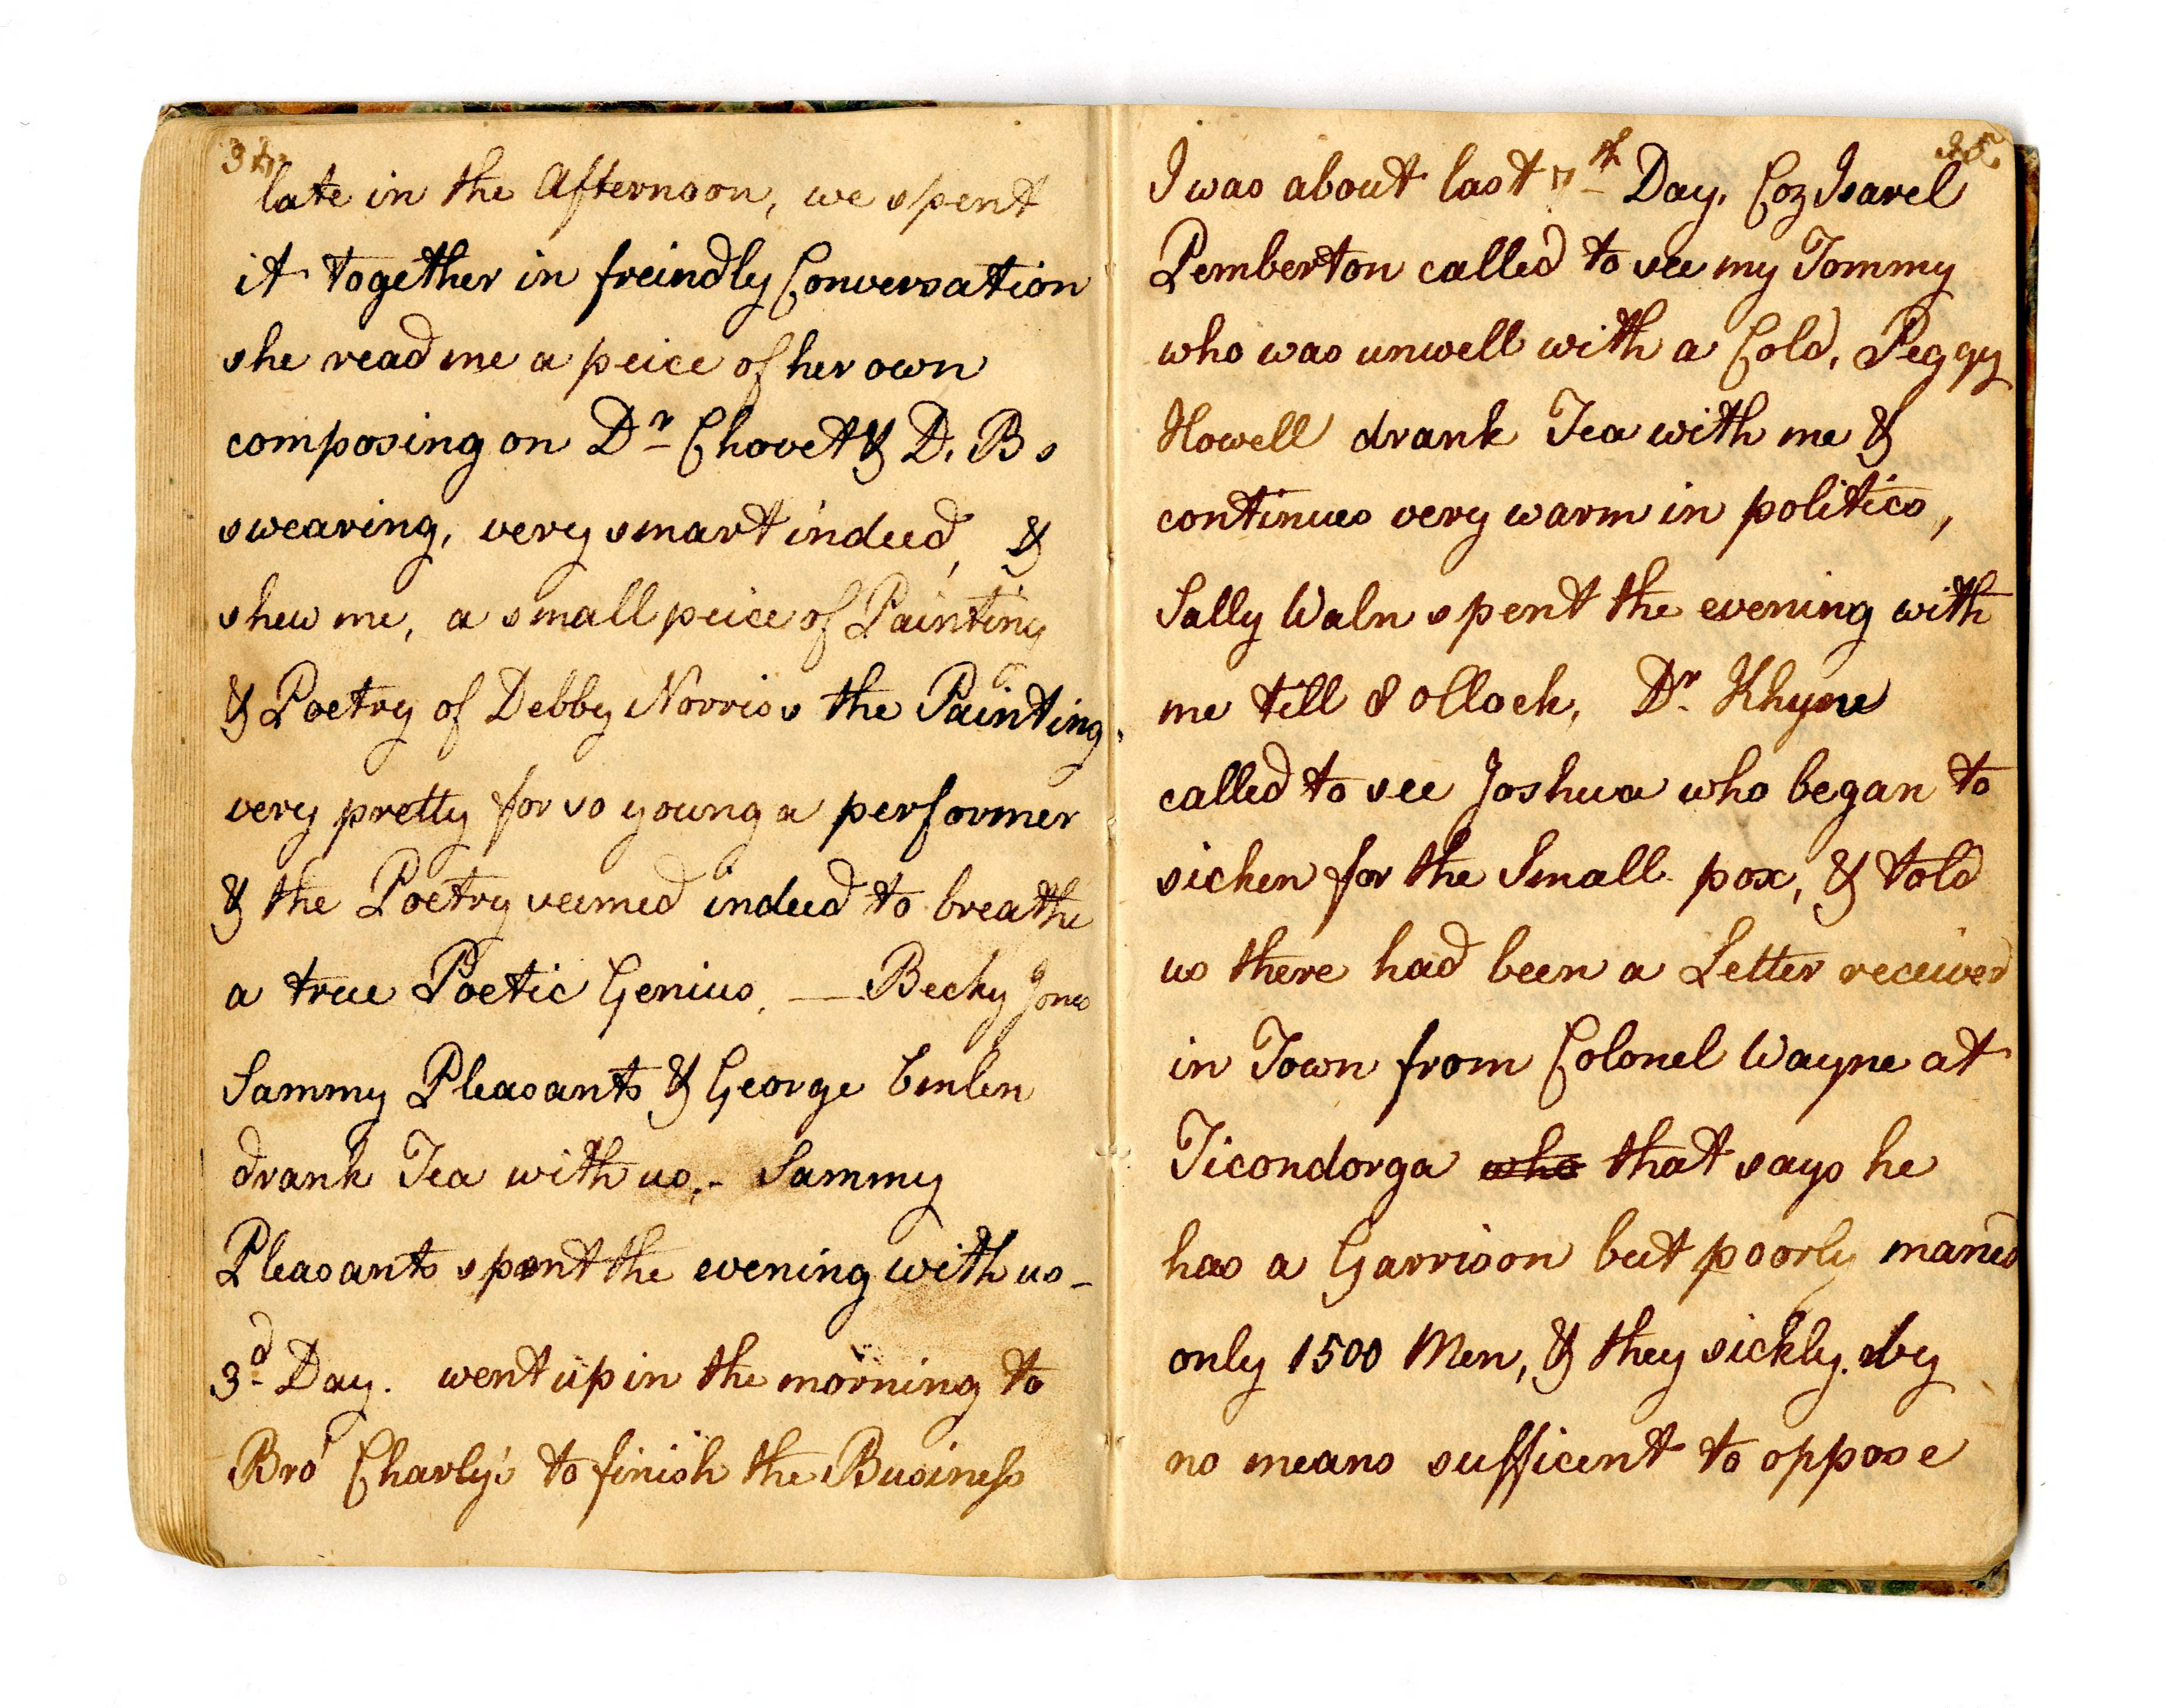late in the Afternoon, we spent
it together in freindly Conversation
she read me a peice of her own
composing on D^r Chovet & D. B.
swearing, very smart indeed
shew me, a small peice of Painting
& Poetry of Debby Norriss the Painting
very pretty for so young a performer
& the Poetry seemed indeed to breathe
a true Poetic Genuis.- Becky Jones
Sammy Pleasants & George Emlen
drank Tea with us. Sammy
Pleasants spent the evening with us-
3^d Day. went up in the morning to
Bro' Charly's to finish the Business
I was about last 7^th Day, Coz Isarel
Pemberton called to see my Tommy
who was unwell with a Cold, Peggy
Howell drank Tea with me &
continues very warm in politics,
Sally Waln spent the evening with
me till 8 ^oClock, D^r Khyne
called to see Joshua who began to
sicken for the Small pox, & told
us there had been a Letter received
in Town from Colonel Wayne at
Ticondorga [who] that says he
has a Garrison but poorly maned
only 1500 Men, & they sickly by
no means sufficent to oppose